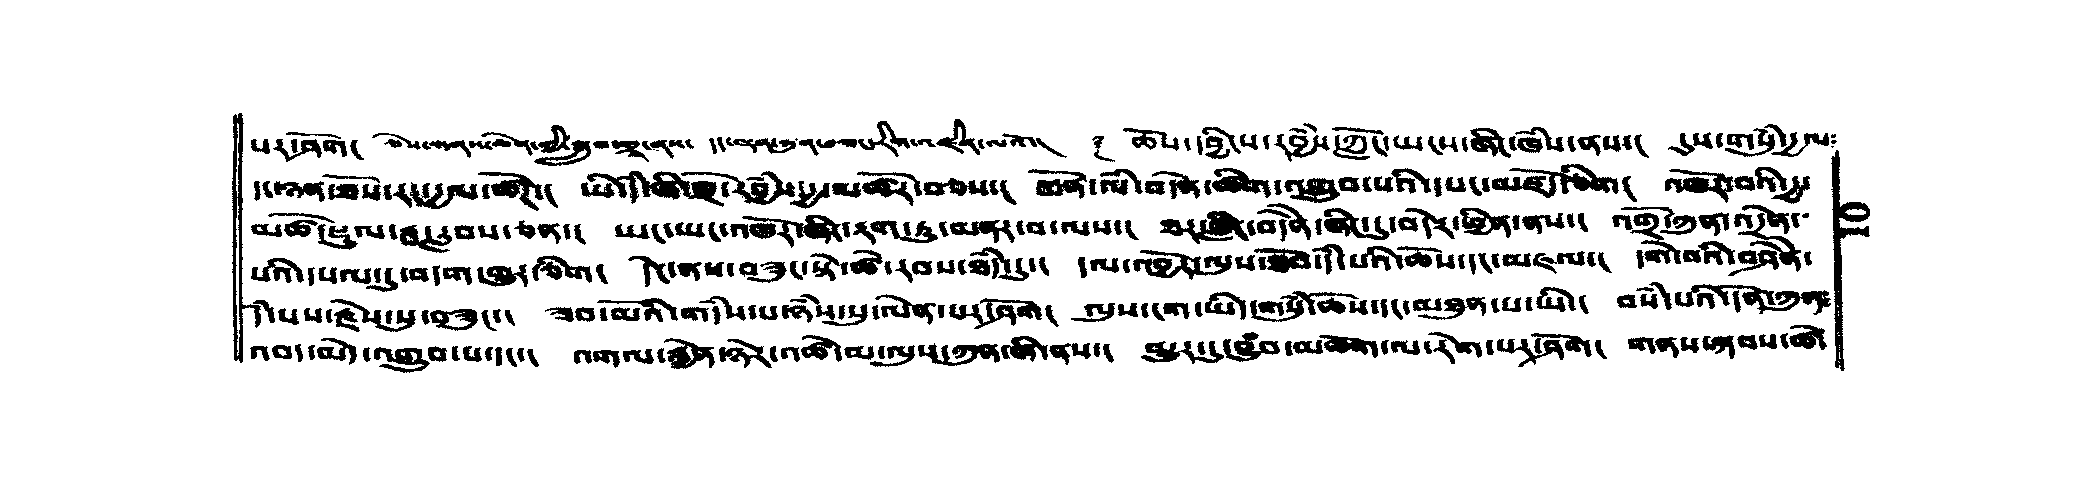པར་ཤོག། ཅེས་གནས་ཆེན་གྱི་སྒྲུབ་གྲྭ་ནས་དད་ལྡན་ཀུན་བཟང་རིག་འཛིན་ལའོ།། ༈ ཆོས་དབྱིངས་རབ་འབྱམས་ཀློང་ཡངས་ཞིང་ཁམས་ནས་།དུས་གསུམ་རྒྱལ་
དང་ཉན་ཐོས་རང་རྒྱལ་ཚོགས། །ཡི་དམ་ཞི་ཁྲོ་རབ་འབྱམས་རྒྱ་མཚོར་བཅས། །སྨོན་ལམ་བདེན་ཚིག་འགྲུབ་པའི་དཔང་མཛོད་ཅིག །འཁོར་བའི་རྒྱ་
མཚོ་སྡུག་བསྔལ་རྦ་རླབས་ཅན། །ཡང་ཡང་འཁོར་ཞིང་རྟག་ཏུ་མནར་བ་ལས། །ཐར་གླིང་བདེ་ཆེན་ཞིང་དུ་བདེར་ཕྱིན་ནས། །འགྲོ་ཀུན་འདྲེན་
པའི་དཔལ་དུ་བདག་གྱུར་ཅིག །དེང་ནས་བཟུང་སྟེ་ཚེ་རབས་ཐམས་ཅད་དུ། །དལ་འབྱོར་ལུས་ཐོབ་དམ་པའི་ཆོས་དང་མཇལ། །དགེ་བའི་བཤེས་གཉེན་
དམ་པས་རྗེས་སུ་བཟུང་། །ཟབ་མོའི་གདམས་པ་ཉམས་སུ་ལེན་པར་ཤོག །ལུས་ངག་ཡིད་གསུམ་ཆོས་དང་མཐུན་པ་ཡི། །བསམ་པའི་དོན་ཀུན་
འབད་མེད་འགྲུབ་པ་དང་། །འགལ་རྐྱེན་ཉེར་འཚེ་མ་ལུས་ཀུན་ཞི་ནས། །མྱུར་དུ་བྱང་ཆུབ་མཆོག་ལ་རེག་པར་ཤོག།གནས་སྐབས་ཚེ་